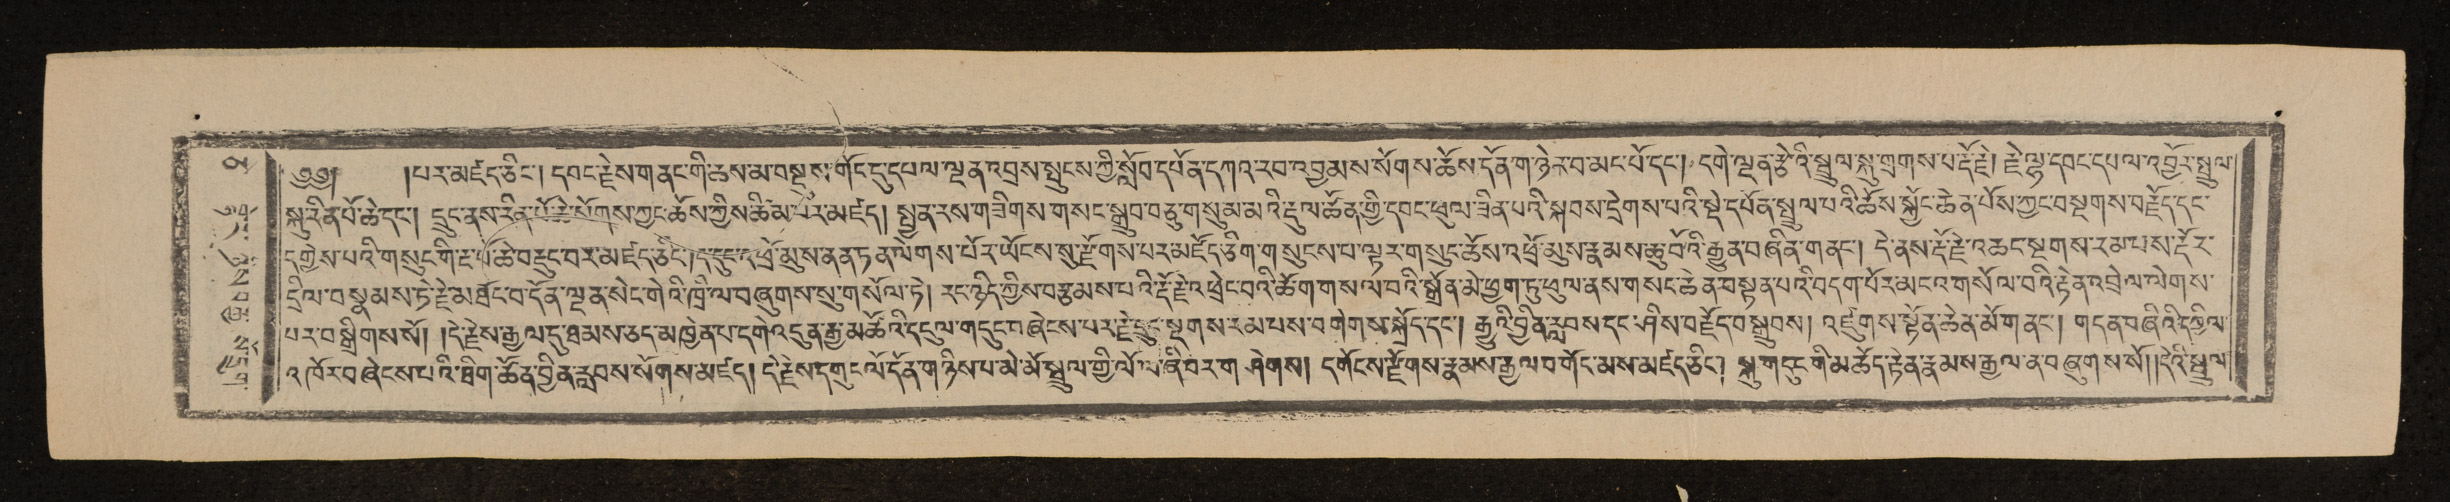༄༅། །པར་མཛད་ཅིང་། དབང་རྗེས་གནང་གི་ཆས་མ་བསྡུས་གོང་དུ་དཔལ་ལྡན་འབྲས་སྤུངས་ཀྱི་སློབ་དཔོན་དཀའ་རབ་འབྱམས་སོགས་ཆོས་དོན་གཉེར་བ་མང་པོ་དང་། དགེ་ལྡན་རྩེའི་སྤྲུལ་སྐུ་བྲགས་བ་རྡོ་རྗེ། རྗེ་ལྷ་དབང་དཔལ་འབྱོར་སྤྲུལ་
སྐུ་རིན་པོ་ཆེ་དང་། དྲུང་ནས་རིན་པོ་ཆེ་སོགས་ཀྱང་ཆོས་ཀྱིས་ཚིམ་པར་མཛད། སྤྱན་རས་གཟིགས་གསང་སྒྲུབ་བཅུ་གསུམ་མའི་རྡུལ་ཚོན་གྱི་དབང་ཕུལ་ཟིན་པའི་སྐབས་དྲེགས་པའི་སྡེ་དཔོན་སྤྲུལ་པའི་ཆོས་སྐྱོང་ཆེན་པོས་ཀྱང་བསྔགས་བརྗོད་དང་
དགྱེས་པའི་གསུང་གི་རྔ་བོ་ཆེ་བརྡུང་བར་མཛད་ཅིང་། ད་དུང་འཕྲོ་མུས་ནན་ཏན་ལེགས་པོར་ཡོངས་སུ་རྫོགས་པར་མཛོད་ཅིག་གསུངས་པ་ལྟར་གསུང་ཆོས་འཕྲོ་མུས་རྣམས་ཆུ་བོའི་རྒྱུན་བཞིན་གནང་། དེ་ནས་རྡོ་རྗེ་འཆང་སྔགས་རམ་པས་རྡོར་
དྲིལ་བསྣམས་ཏེ་རྗེ་མཐོང་བ་དོན་ལྡན་སེང་གེའི་ཁྲི་ལ་བཞུགས་སུ་གསོལ་ཏེ། རང་ཉིད་ཀྱིས་བརྩམས་པའི་རྡོ་རྗེ་འཕྲེང་བའི་ཆོ་ག་གསལ་བའི་སྒྲོན་མེ་ཕྱག་ཏུ་ཕུལ་ནས་གསང་ཆེན་བསྟན་པའི་བདག་པོར་མངའ་གསོལ་བའི་རྟེན་འབྲེལ་ལེགས་
པར་བསྒྲིགས་སོ། །དེ་རྗེས་རྒྱལ་དུ་ཐམས་ཅད་མཁྱེན་པ་དགེ་འདུན་རྒྱ་མཚོའི་དངུལ་གདུང་བཞེངས་པར་རྗེ་དྲུང་སྔགས་རམ་བས་བགེགས་སྐྲོད་དང་། རྒྱུའི་བྱིན་རླབས་དང་ཤིས་བརྗོད་བསྒྲུབས། འཛུགས་སྟོན་ཆེན་མོ་གནང་། གདན་བཞིའི་དཀྱིལ་
འཁོར་བཞེངས་པའི་ཐིག་ཚོན་བྱིན་རླབས་སོགས་མཛད། དེ་རྗེས་དགུང་ལོ་དོན་གཉིས་པ་མེ་མོ་སྦྲུལ་གྱི་ལོ་ལ་ཞི་བར་གཤེགས། དགོངས་རྫོགས་རྣམས་རྒྱལ་བ་གོང་མས་མཛད་ཅིང་། སྐུ་གདུང་གི་མཆོད་རྟེན་རྣམས་རྒྱལ་ན་བཞུགས་སོ། །དེའི་སྤྲུལ་